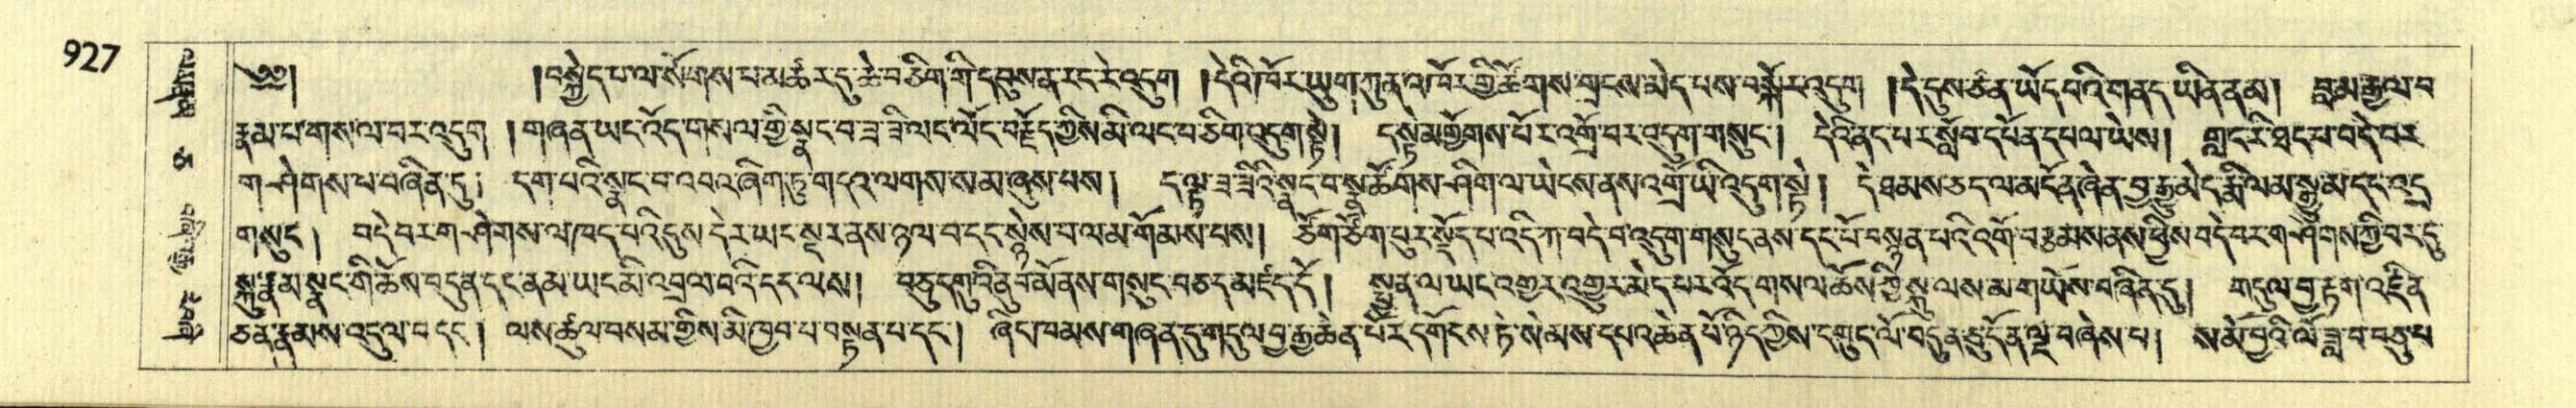༄༅། །བསྐྱེད་པ་ལ་སོགས་པ་མཚར་དུ་ཆེ་བ་ཅིག་གི་དབུས་ན་རང་རེ་འདུག །དེའི་ཁོར་ཡུག་ཀུན་འཁོར་གྱི་ཚོགས་གྲངས་མེད་པས་བསྐོར་འདུག །དེ་དུས་ཙན་ཡོད་བའི་གནད་ཡིན་ནམ། བླ་མ་རྒྱལ་བ་
རྣམ་པ་གསལ་བར་འདུག །གཞན་ཡང་འོད་གསལ་གྱི་སྣང་བ་ཟ་ཟི་ལང་ལོང་བརྗོད་ཀྱིས་མི་ལང་པ་ཅིག་འདུག་སྟེ། ད་སྟེ་མགྱོགས་པོར་འགྲོ་བར་འདུག་གསུང་། དེའི་ནད་པར་སློབ་དཔོན་དཔལ་ཡེས། གླང་རི་ཐད་པ་བདེ་བར་
གཤེགས་པ་བཞིན་དུ། དག་པའི་སྣང་བ་འབའ་ཞིག་ཏུ་གདའ་ལགས་སམ་ཞུས་པས། ད་ལྟ་ཟ་ཟིའི་སྣང་བ་སྣ་ཚོགས་ཤིག་ལ་ཡེངས་ནས་འགྲོ་ཡི་འདུག་སྟེ། དེ་ཐམས་ཅད་ལ་མངོན་ཞེན་བྱ་རྒྱུ་མེད་རྨི་ལམ་སྒྱུ་མ་དང་འདྲ་
གསུང་། བདེ་བར་གཤེགས་ལ་ཁད་པའི་དུས་དེར་ཡང་སྔར་ནས་ཉལ་བ་དང་སྙེས་པ་ལམ་གོམས་པས། ཙོག་ཙོག་པུར་སྡོད་པ་འདི་ཀ་བདེ་བ་འདུག་གསུང་ནས་དང་པོ་བསྙན་པའི་འགོ་བརྩམས་ནས་ཕྱིས་བདེ་བར་གཤེགས་ཀྱི་བར་དུ་
སྐུ་རྣམ་སྣང་གི་ཆོས་བདུན་དང་ནམ་ཡང་མི་འབྲལ་བའི་དར་ལས། བཅུ་དགུའི་ནུབ་མོ་ནས་གསུང་བཅད་མཛད་དོ། སྤྱན་ལ་ཡང་འགྱར་འགྱུར་མེད་པར་འོད་གསལ་ཆོས་ཀྱི་སྐུ་ལས་མ་གཡོས་བཞིན་དུ། གདུལ་བྱ་རྟག་འཛིན་
ཅན་རྣམས་འདུལ་བ་དང་། ལས་ཚུལ་བསམ་གྱིས་མི་ཁྱབ་པ་བསྟན་པ་དང་། ཞིང་ཁམས་གཞན་དུ་གདུལ་བྱ་རྒྱ་ཆེན་པོར་དགོངས་ཏེ་སེམས་དཔའ་ཆེན་པོ་ཉིད་ཀྱིས་དགུང་ལོ་བདུན་ཅུ་དོན་ལྔ་བཞེས་པ། ས་མོ་བྱའི་ལོ་ཟླ་བ་བཅུ་པ་